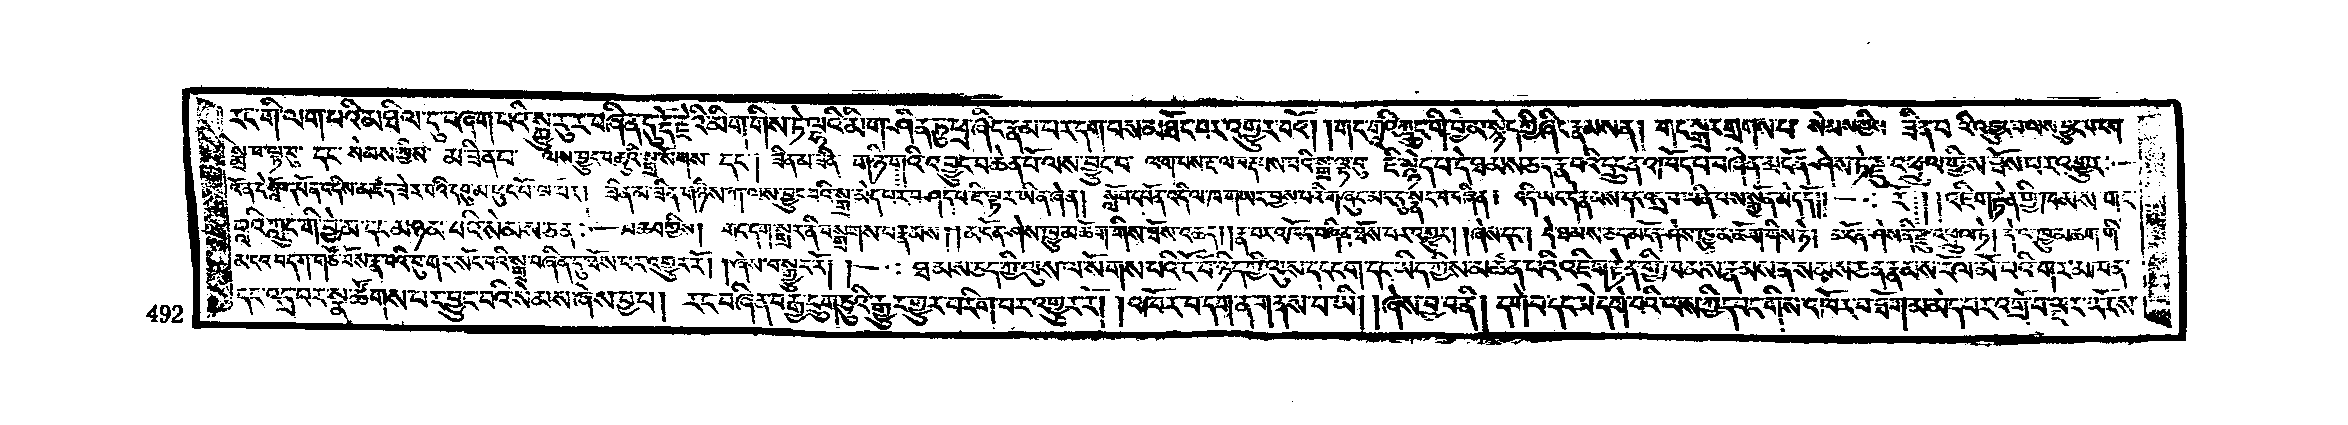རང་གི་ལག་པའི་མཐིལ་དུ་བཞག་པའི་སྐྱུ་རུ་ར་བཞིན་དུ་རྡོ་རྗེའི་མིག་གིས་ཏེ་ལྷའི་མིག་ཤིན་ཏུ་ཕྲ་ཞིང་རྣམ་པར་དག་པས་མཐོང་བར་འགྱུར་བའོ། །གང་གཱའི་ཀླུང་གི་བྱེ་མ་སྙེད་ཀྱི་ཞིང་རྣམས་ན། གང་སྒྲར་གྲགས་པ་སེམས་ཀྱི་ཟིན་པའི་འབྱུང་བ་ལས་བྱུང་བ་དག་
སྨྲ་བ་ལྟ་བུ་དང་སེམས་ཀྱིས་མ་ཟིན་པ་ལས་བྱུང་བ་ཆུའི་སྒྲ་སོགས་དང་། ཟིན་མ་ཟིན་གཉི་གའི་འབྱུང་བ་ཆེན་པོ་ལས་བྱུང་བ་ལག་པས་རྔ་ལ་བརྡབས་པའི་སྒྲ་ལྟ་བུ་ཇི་སྙེད་པ་དེ་ཐམས་ཅད་རྣ་བའི་དྲུང་ན་འཁོད་པ་བཞིན་མངོན་ཤེས་ཏེ་རྫུ་འཕྲུལ་གྱིས་ཐོས་པར་འགྱུར་
འོ་ན་དེ་སློབ་དཔོན་འདིས་མཛད་ཟེར་བའི་དབུ་མ་ཕུང་པོ་ལྔ་པར། ཟིན་མ་ཟིན་གཉིས་ཀ་ལས་བྱུང་བའི་སྒྲ་མེད་པར་བཤད་པ་ཇི་ལྟར་ཡིན་ཞེ་ན། སློབ་དཔོན་འདི་ལ་ཁ་གཡར་བྱས་པའི་གཞུང་མང་དུ་སྣང་བ་བཞིན། འདི་ཡང་དེ་རྣམས་དང་འདྲ་བ་ཡིན་པས་སྐྱོན་མེད་དོ།། རོ། །འཇིག་རྟེན་གྱི་ཁམས་གང་
གཱའི་ཀླུང་གི་བྱེ་མ་དང་མཉམ་པའི་སེམས་ཅན་པ་ཚབ་ཀྱིས། གང་དག་སྒྲར་ནི་བསྒྲགས་པ་རྣམས། །མངོན་ཤེས་ཁྱུ་མཆོག་གིས་ཐོས་འཆད། །རྣ་བར་འཁོད་བཞིན་ཐོས་པར་འགྱུར། །ཞེས་དང་། དེ་ཐམས་ཅད་མངོན་ཤེས་ཁྱུ་མཆོག་གིས་ཏེ། མངོན་ཤེས་ནི་རྫུ་འཕྲུལ་ཏེ། དེ་ལ་ཁྱུ་མཆོག་གི་
མངའ་བདག་གཙོ་བོས་རྣ་བའི་བུ་གར་སོང་བའི་སྒྲ་བཞིན་དུ་ཐོས་པར་འགྱུར་རོ། །ཞེས་བསྒྱུར་རོ།། ཐམས་ཅད་ཀྱི་ལུས་ལ་སོགས་པའི་ངོ་བོ་ཉིད་ཀྱི་ལུས་དང་ངག་དང་ཡིད་ཀྱིས་མཚན་པའི་འཇིག་རྟེན་གྱི་ཁམས་རྣམས་ན་སེམས་ཅན་རྣམས་རོལ་མོ་པའི་གར་མཁན་
དང་འདྲ་བར་སྣ་ཚོགས་པར་བྱུང་བའི་སེམས་ཞེས་བྱ་བ། རང་བཞིན་བརྒྱ་དྲུག་ཅུའི་རྒྱུར་གྱུར་བ་རིག་པར་འགྱུར་རོ། །འཁོར་བ་དག་ན་གནས་པ་ཡི། །ཞེས་བྱ་བ་ནི། དགེ་བ་དང་མི་དགེ་བའི་ལས་ཀྱི་དབང་གིས་འཁོར་བ་ཐོག་མ་མེད་པར་འགྲོ་བ་ལྔར་ཡོངས་